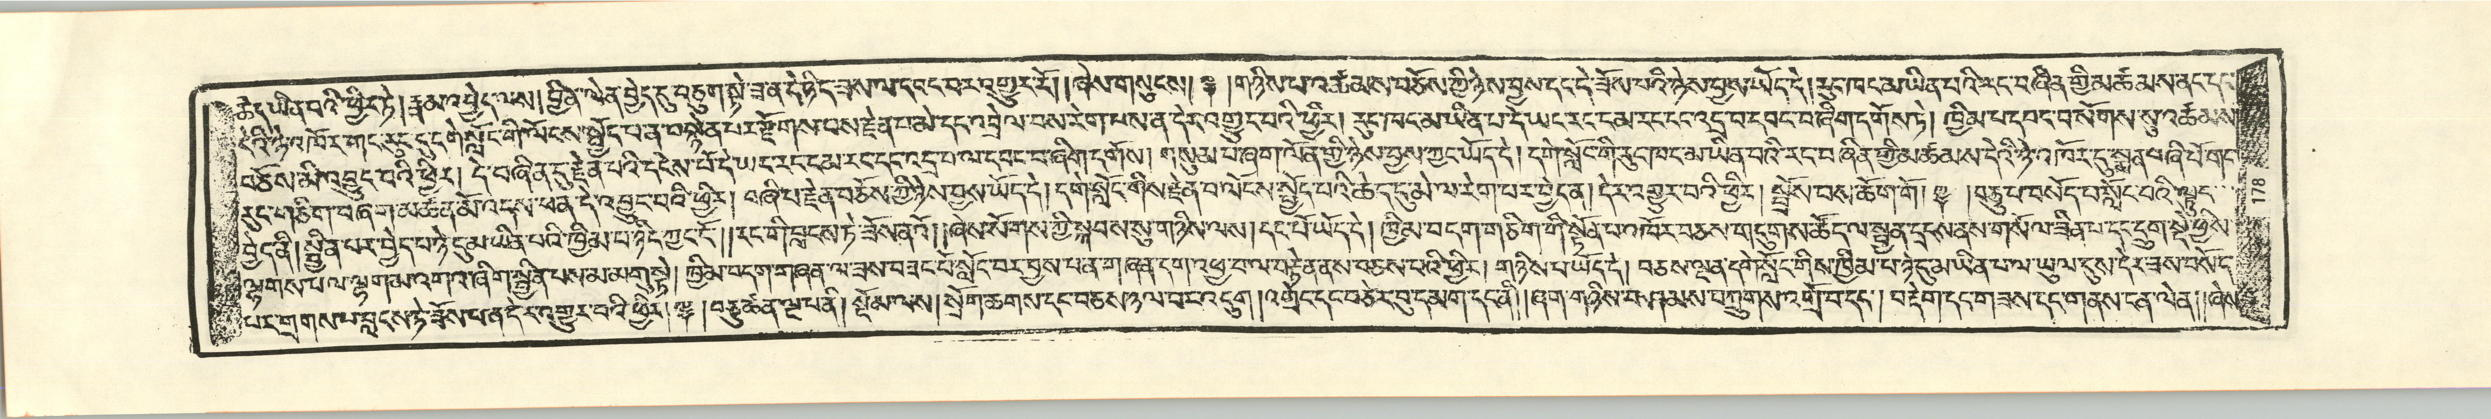ཆེད་ཡིན་པའི་ཕྱིར་ཏེ། རྣམ་འབྱེད་ལས། བྱིན་ལེན་བྱེད་དུ་བཅུག་སྟེ་ཟ་ན་དེ་ཉིད་ཟས་ལ་དབང་བར་འགྱུར་རོ། །ཞེས་གསུངས། ༈ །གཉིས་པ་འཚམས་བཅོས་ཀྱི་ཉེས་བྱས་དང་དེ་ཟོས་པའི་ཉེས་བྱས་ཡོད་དེ། རུང་ཁང་མ་ཡིན་པའི་རང་བཞིན་གྱི་མཚམས་ནང་དང་
དེའི་ཉེ་འཁོར་གང་རུང་དུ་དགེ་སློང་གི་ལོངས་སྤྱོད་པ་ན་བསྙེན་པར་རྫོགས་པས་རྗེན་པ་མེ་དང་འབྲེལ་བས་རེག་པས་ན་དེར་འགྱུར་བའི་ཕྱིར། རུང་ཁང་མ་ཡིན་པ་དེ་ཡང་རང་དམ་རང་དང་འདྲ་བ་དབང་བ་ཞིག་དགོས་ཏེ། ཁྱིམ་པ་དབང་བ་སོགས་སུ་འཚམས་
བཅོས་མི་འབྱུང་བའི་ཕྱིར། དེ་བཞིན་དུ་རྗེན་པའི་དངེས་པོ་དེ་ཡང་རང་དམ་རང་དང་འདྲ་བ་ལ་དབང་བ་ཞིག་དགོས། གསུམ་པ་ཞག་ལོན་གྱི་ཉེས་བྱས་ཀྱང་ཡོད་དེ། དགེ་སློང་གི་རུང་ཁང་མ་ཡིན་པའི་རང་བཞིན་གྱི་མཚམས་དེའི་ཉེ་འཁོར་དུ་སྨན་བཞི་པོ་གང་
རུང་གཅིག་བཞག་མཚན་མོ་འདས་ཕན་དེ་འབྱུང་བའི་ཕྱིར། བཞི་པ་རྗེན་བཅོས་ཀྱི་ཉེས་བྱས་ཡོད་དེ། དགེ་སློང་གིས་རྗེན་པ་ལོངས་སྤྱོད་པའི་ཆེད་དུ་མེ་ལ་རེག་པར་བྱེད་ན། དེར་འགྱུར་བའི་ཕྱིར། སྤྲོས་བས་ཆོག་གོ། ༈ །བཅུ་པ་བསོད་པ་སློང་པའི་ལྟུང་
བྱེད་ནི། སྦྱིན་པར་བྱེད་པ་ཉེ་དུ་མ་ཡིན་པའི་ཁྱིམ་པ་ཉིད་ཀྱང་ངོ། །རང་གི་བླངས་ཏེ་ཟོས་ནའོ། །ཞེས་སོགས་ཀྱི་སྐབས་སུ་གཉིས་ལས། དང་པོ་ཡོད་དེ། ཁྱིམ་བདག་གཅིག་གི་སྟོན་པ་འཁོར་བཅས་གདུགས་ཚོད་ལ་སྦྱན་དྲངས་ནས་གསོལ་ཟིན་པ་དང་དྲུག་སྡེ་ཕྱིས་
ལྷགས་པ་ལ་ལྷག་མ་འགའ་ཞིག་སྦྱིན་པས་མ་མགུ་སྟེ། ཁྱིམ་བདག་གཞན་ལ་ཟས་བཟང་པོ་སློང་བར་བྱས་པ་ན་གཞན་དག་འཕྱ་བ་ལ་བརྟེན་ནས་བཅས་པའི་ཕྱིར། གཉིས་པ་ཡོད་དེ། བཅས་ལྡན་དགེ་སློང་གིས་ཁྱིམ་པ་ཉེ་དུ་མ་ཡིན་པ་ལ་ཡུལ་དུས་དེར་ཟས་བསོད་
པར་གྲགས་པ་བླངས་ཏེ་ཟོས་པ་ན་དེར་འགྱུར་བའི་ཕྱིར། ༈ །བཅུ་ཚན་ལྔ་པ་ནི། སྡོམ་ལས། སྲོག་ཆགས་དང་བཅས་ཉལ་བར་འདུག །འགྲེང་དང་བཅེར་བུ་དམག་དང་ནི། །ཞག་གཉིས་བཤམས་བཀྲུགས་འགྲོ་བ་དང་། བརྡེག་དང་གཟས་དང་གནས་ངན་ལེན། །ཞེས་